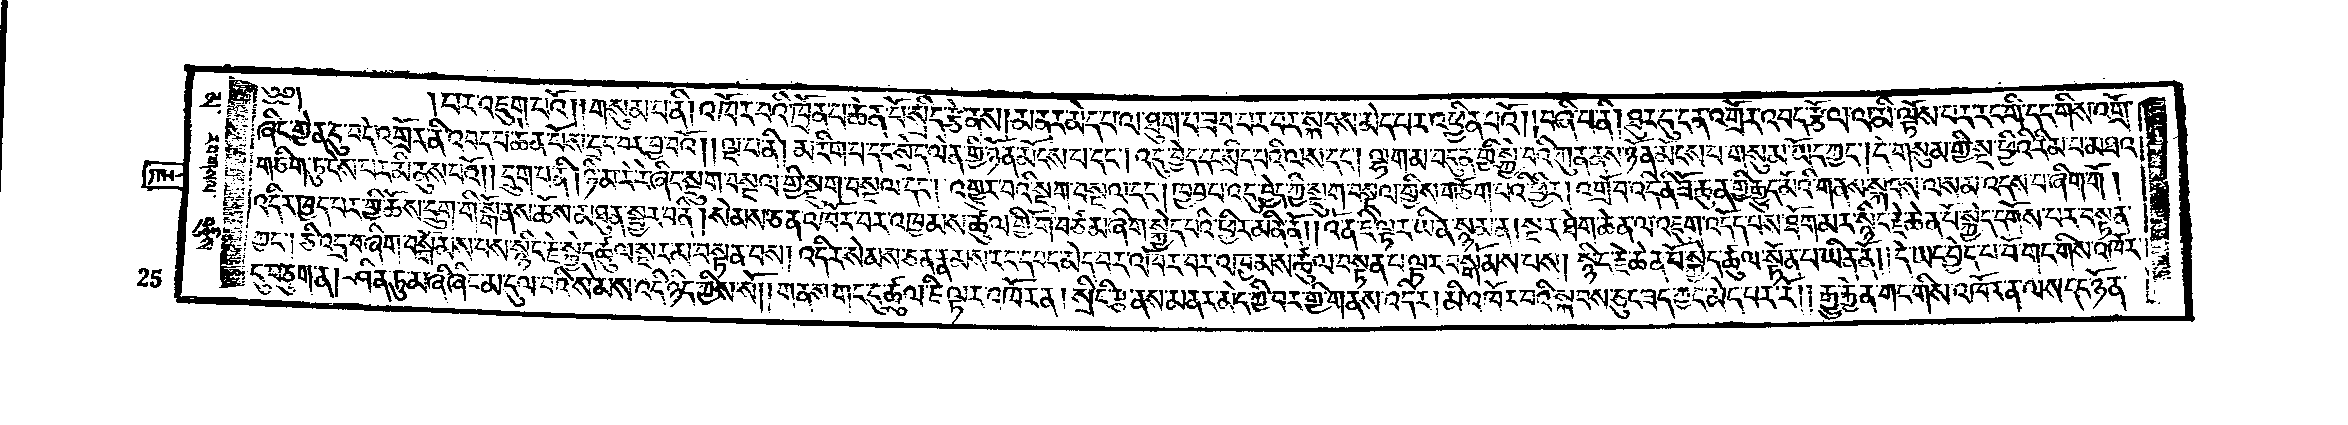༄༅། །པར་འཇུག་པའོ། །གསུམ་པ་ནི། འཁོར་བའི་ཁྲོན་པ་ཆེན་པོ་སྲིད་རྩེ་ནས། མནར་མེད་པ་ལ་ཐུག་པ་ཟབ་པར་བར་སྐབས་མེད་པར་འཕྱིན་པའོ། །བཞི་པ་ནི། ཐུར་དུ་ངན་འགྲོར་འབད་རྩོལ་ལ་མི་ལྟོས་པར་རང་གི་ངང་གིས་འགྲོ་
ཞིང་གྱེན་དུ་བདེ་འགྲོར་ནི་འབད་པ་ཆེན་པོས་དྲང་བར་བྱ་བའོ། །ལྔ་པ་ནི། མ་རིག་པ་དང་སྲེད་ལེན་གྱི་ཉོན་མོངས་པ་དང་། འདུ་བྱེད་དང་སྲིད་པའི་ལས་དང་། ལྷག་མ་བདུན་གྱི་སྐྱེ་བའི་ཀུན་ནས་ཉོན་མོངས་པ་གསུམ་ཡོད་ཀྱང་། དེ་གསུམ་གྱི་སྔ་ཕྱིའི་རིམ་པ་མཐའ་
གཅིག་ཏུ་ངེས་པར་མི་ནུས་པའོ། །དྲུག་པ་ནི། ཉི་མ་རེ་རེ་ཞིང་སྡུག་བསྔལ་གྱི་སྡུག་བསྔལ་དང་། འགྱུར་བའི་སྡུག་བསྔལ་དང་། ཁྱབ་པ་འདུ་བྱེད་ཀྱི་སྡུག་བསྔལ་གྱིས་གཅོག་པའི་ཕྱིར། འགྲོ་བ་འདི་ནི་ཟོ་ཆུན་གྱི་རྒྱུད་མོའི་གནས་སྐབས་ལས་མ་འདས་པ་ཞིག་གོ །
འདིར་ཁྱད་པར་གྱི་ཆོས་དྲུག་གི་སྒོ་ནས་ཆོས་མཐུན་སྦྱར་བ་ནི། སེམས་ཅན་འཁོར་བར་འཁྱམས་ཚུལ་གྱི་གོ་བ་ཙམ་ཞིག་སྐྱེད་པའི་ཕྱིར་མིན་ནོ། །འོ་ན་ཇི་ལྟར་ཡིན་སྙམ་ན། སྔར་ཐེག་ཆེན་ལ་འཇུག་འདོད་པས་ཐོག་མར་སྙིང་རྗེ་ཆེན་པོ་སྐྱེད་དགོས་པར་བསྟན་
ཀྱང་། ཅི་འདྲ་བ་ཞིག་བསྒོམས་པས་སྙིང་རྗེ་སྐྱེད་ཚུལ་སྔར་མ་བསྟན་བས། འདིར་སེམས་ཅན་རྣམས་རང་དབང་མེད་བར་འཁོར་བར་འཁྱམས་ཚུལ་བསྟན་པ་ལྟར་བསྒོམས་པས། སྙིང་རྗེ་ཆེན་པོ་སྐྱེད་ཚུལ་སྟོན་པ་ཡིན་ནོ། །དེ་ཡང་བྱེད་པ་བོ་གང་གིས་འཁོར་
དུ་བཅུག་ན། ཤིན་ཏུ་མ་ཞི་ཞིང་མ་དུལ་བའི་སེམས་འདི་ཉིད་ཀྱིས་སོ། །གནས་གང་དུ་ཚུལ་ཇི་ལྟར་འཁོར་ན། སྲིད་རྩེ་ནས་མནར་མེད་ཀྱི་བར་གྱི་གནས་འདིར། མི་འཁོར་བའི་སྐབས་ཅུང་ཟད་ཀྱང་མེད་པར་རོ། །རྒྱུ་རྐྱེན་གང་གིས་འཁོར་ན་ལས་དང་ཉོན་